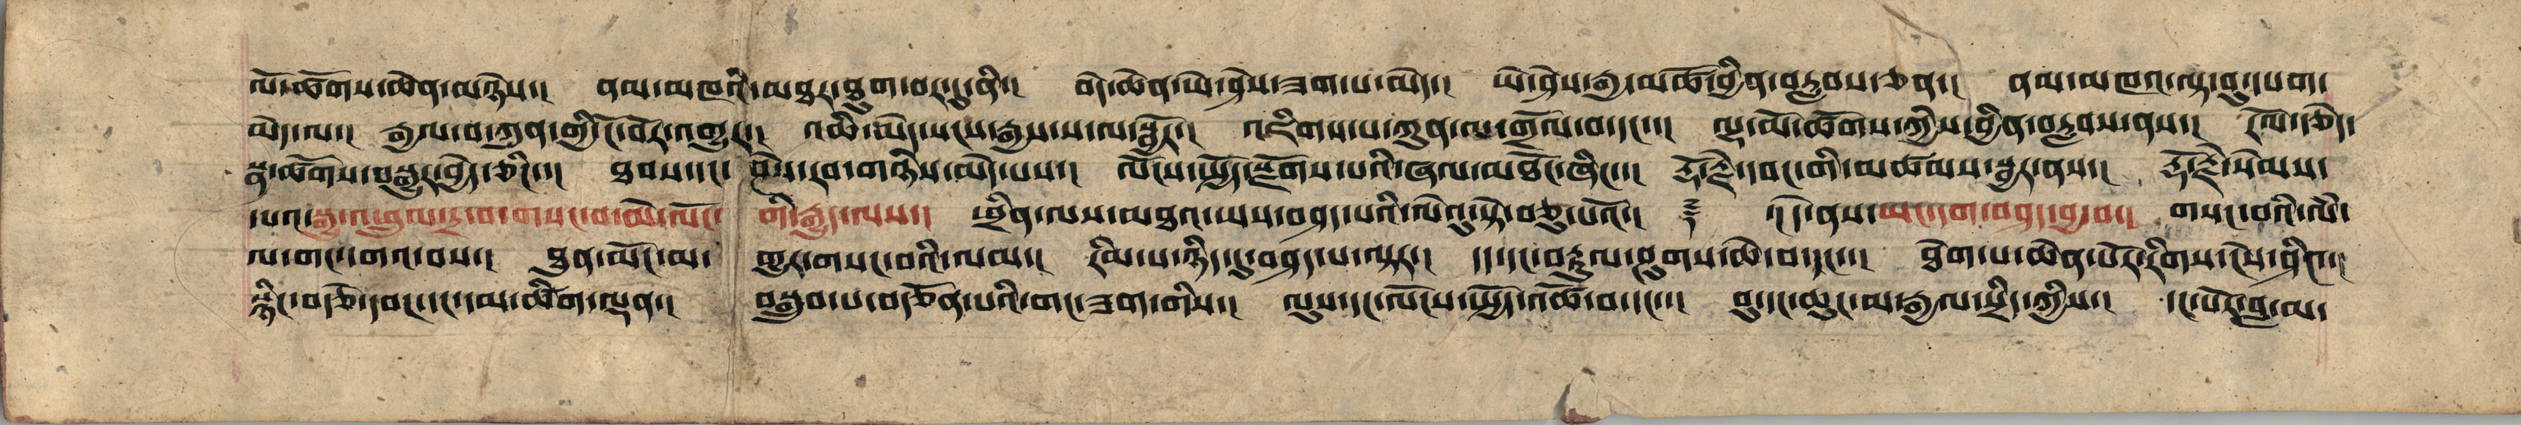ལོ་ཚོགས་ཆེན་མཉེས་། ནམ་མཁའི་མཐར་ཐུག་བར་དུ་ནི་། བདེ་ཆེན་ཡེ་ཤེས་ཟག་པ་མེད་། ཡེ་ཤེས་རྒྱ་མཚོ་བྱིན་བརླབས་ཅན་། ནམ་མཁའ་ལྟ་བུ་དཔག་
མེད་ལ་། རྒྱལ་བ་ཀུན་གྱི་ངོ་བོར་འགྱུར་། འཆི་མེད་སངས་རྒྱས་ས་ལ་སྦྱོར་། འཇིགས་པ་ཀུན་ལ་གྲོལ་བ་དང་་། ལྷ་མོ་ཚོགས་ཀྱིས་བྱིན་བརླབས་ནས་། རོལ་རྩེད་
སྣ་ཚོགས་བསྒྱུར་བྱེད་ཅིང་་། ཐབས་དང་ ཤེས་རབ་གཉིས་མེད་པས་། ལོངས་སྤྱོད་སྫོགས་པའི་ཞལ་མཐོང་ཞིང་་། རྡོ་རྗེ་དབང་གི་མཚམས་སྦྱར་ནས་། རྡོ་རྗེ་སེམས་
དཔའ་སྒྱུ་འཕྲུལ་དྲ་བ་གསང་བ་མེ་ལོང་ གི་རྒྱུད་ལས་། ཕྲིན་ལས་མཐའ་ཡས་བཤད་པའི་ལེའུ་སྟེ་བཅུ་པའོ་། ࿑ ་།དེ་ནས་ཡང་དག་བཤད་བྱ་བ་། གསང་བའི་ལཾ་
ལ་གང་དགའ་བས་། ཐུན་མོང་མ་ གྱུར་གསང་བའི་ལམ་། རིམ་པ་ཉིད་དུ་བཤད་པ་ལྟར་། དད་དང་བརྟུལ་ཤུགས་ཆེ་བ་དང་་། ཐེག་པ་ཆེན་པོར་རིགས་ངེས་ཤིང་་།
སྙིང་བརྩེ་དབང་དང་དམ་ཚིག་ལྡན་། བསྒྲུབ་པ་བརྩོན་པའི་གང་ཟག་གིས་། ལུས་དང་ལོངས་སྤྱོད་འཚོ་བ་དང་་། བུ་དང་ཆུང་མ་རྒྱལ་སྲིད་ཀྱིས་། དང་པོར་བླ་མ་